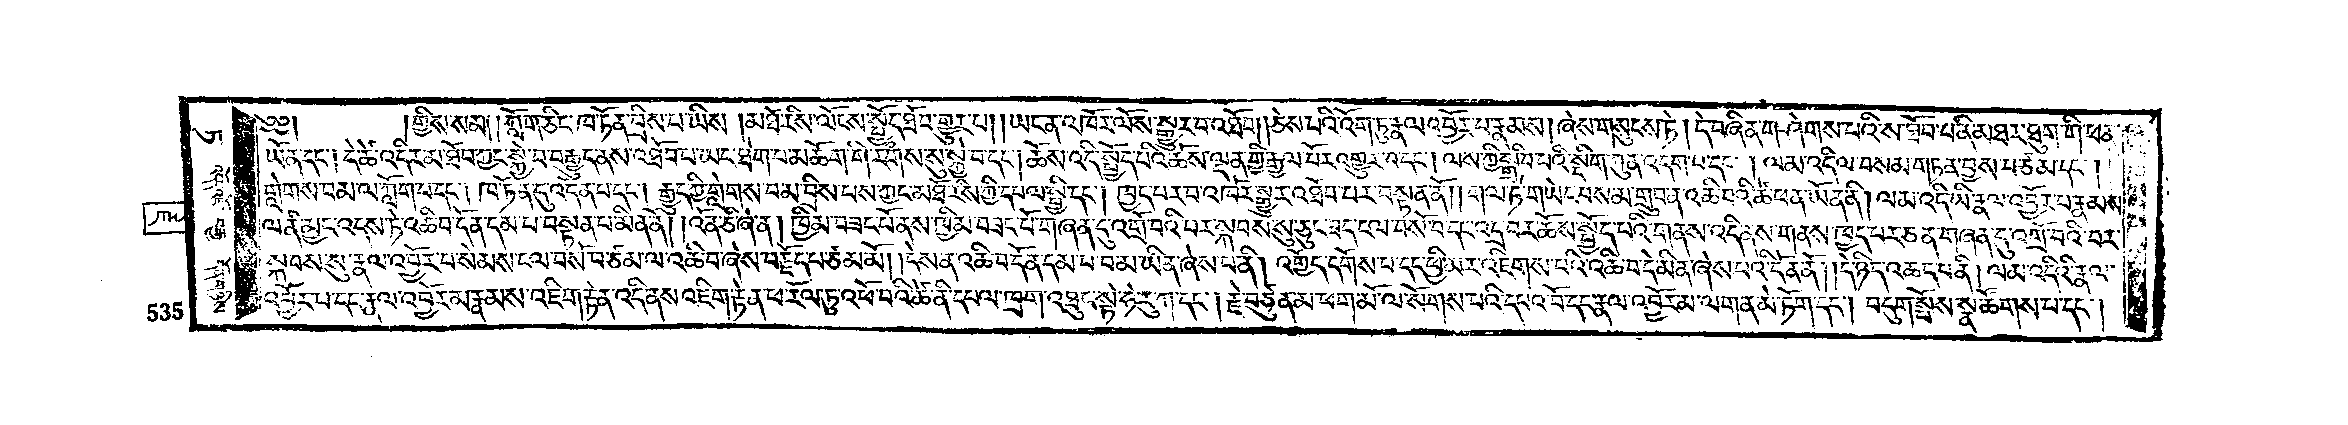༄༅། །གྱིས་སམ། །ཀློག་ཅིང་ཁ་ཏོན་བྲིས་པ་ཡིས། མཐོ་རིས་ལོངས་སྤྱོད་ཐོབ་གྱུར་པ། །ཡང་ན་འཁོར་ལོས་སྒྱུར་བ་འཐོབ། །ཅེས་པའི་འོག་ཏུ་རྣལ་འབྱོར་པ་རྣམས། ཞེས་གསུངས་ཏེ། དེ་བཞིན་གཤེགས་པའི་ས་ཐོབ་པ་ནི་མཐར་ཐུག་གི་ཕན་
ཡོན་དང་། དེ་ཚེ་འདིར་མ་ཐོབ་ཀྱང་སྐྱེ་བ་བརྒྱུད་ནས་འཐོབ་པ་ཡང་ཐེག་པ་མཆོག་གི་རིགས་སུ་སྐྱེ་བ་དང་། ཆོས་འདི་སྤྱོད་པའི་ཆོས་ལྡན་གྱི་རྒྱལ་པོར་འགྱུར་བ་དང་། ལས་ཀྱི་སྒྲིབ་པའི་སྡིག་ཀུན་འདག་པ་དང་། ལམ་འདི་ལ་བསམ་གཏན་བྱས་པ་ཙམ་དང་།
གླེགས་བམ་ལ་ཀློག་པ་དང་། ཁ་ཏོན་དུ་འདོན་པ་དང་། རྒྱུད་ཀྱི་གླེགས་བམ་བྲིས་པས་ཀྱང་མཐོ་རིས་ཀྱི་དཔལ་སྤྱི་དང་། ཁྱད་པར་བ་འཁོར་སྒྱུར་འཐོབ་པར་བསྟན་ནོ། །གལ་ཏེ་གཡེང་བས་མ་གྲུབ་ན་འཆི་བའི་ཚེ་ཕན་ཡོན་ནི། ལམ་འདི་ཡི་རྣལ་འབྱོར་པ་རྣམས་
ལ་ནི་མྱང་འདས་ཏེ་འཆི་བ་དོན་དམ་པ་བསྟན་པ་མིན་ནོ། །འོ་ན་ཅི་ཞེ་ན། ཁྱིམ་བཟང་པོ་ནས་ཁྱིམ་བཟང་པོ་གཞན་དུ་འགྲོ་བའི་བར་སྐབས་སུ་ཅུང་ཟད་ངལ་བསོ་བ་དང་འདྲ་བར་ཆོས་སྤྱོད་པའི་གནས་འདི་ནས་གནས་ཁྱད་པར་ཅན་གཞན་དུ་འགྲོ་བའི་བར་
སྐབས་སུ་རྣལ་འབྱོར་པ་སེམས་ངལ་བསོ་བ་ཙམ་ལ་འཆི་བ་ཞེས་བརྗོད་པ་ཙམ་མོ། །དེས་ན་འཆི་བ་དོན་དམ་པ་བ་མ་ཡིན་ཞེས་པ་ནི། འགྱོད་དགོས་པ་དང་ཕྱི་མར་འཇིགས་པའི་འཆི་བ་དེ་མིན་ཞེས་པའི་དོན་ནོ། །དེ་ཉིད་འཆད་པ་ནི། ལམ་འདིའི་རྣལ་
འབྱོར་པ་དང་རྣལ་འབྱོར་མ་རྣམས་འཇིག་རྟེན་འདི་ནས་འཇིག་རྟེན་ཕ་རོལ་ཏུ་འཕོ་བའི་ཚེ་ནི་དཔལ་ཁྲག་འཐུང་སྟེ་ཧེ་རུ་ཀ་དང་། རྗེ་བཙུན་མ་ཕག་མོ་ལ་སོགས་པའི་དཔའ་བོ་དང་རྣལ་འབྱོར་མ་ལག་ན་མེ་ཏོག་དང་། བདུག་སྤོས་སྣ་ཚོགས་པ་དང་།